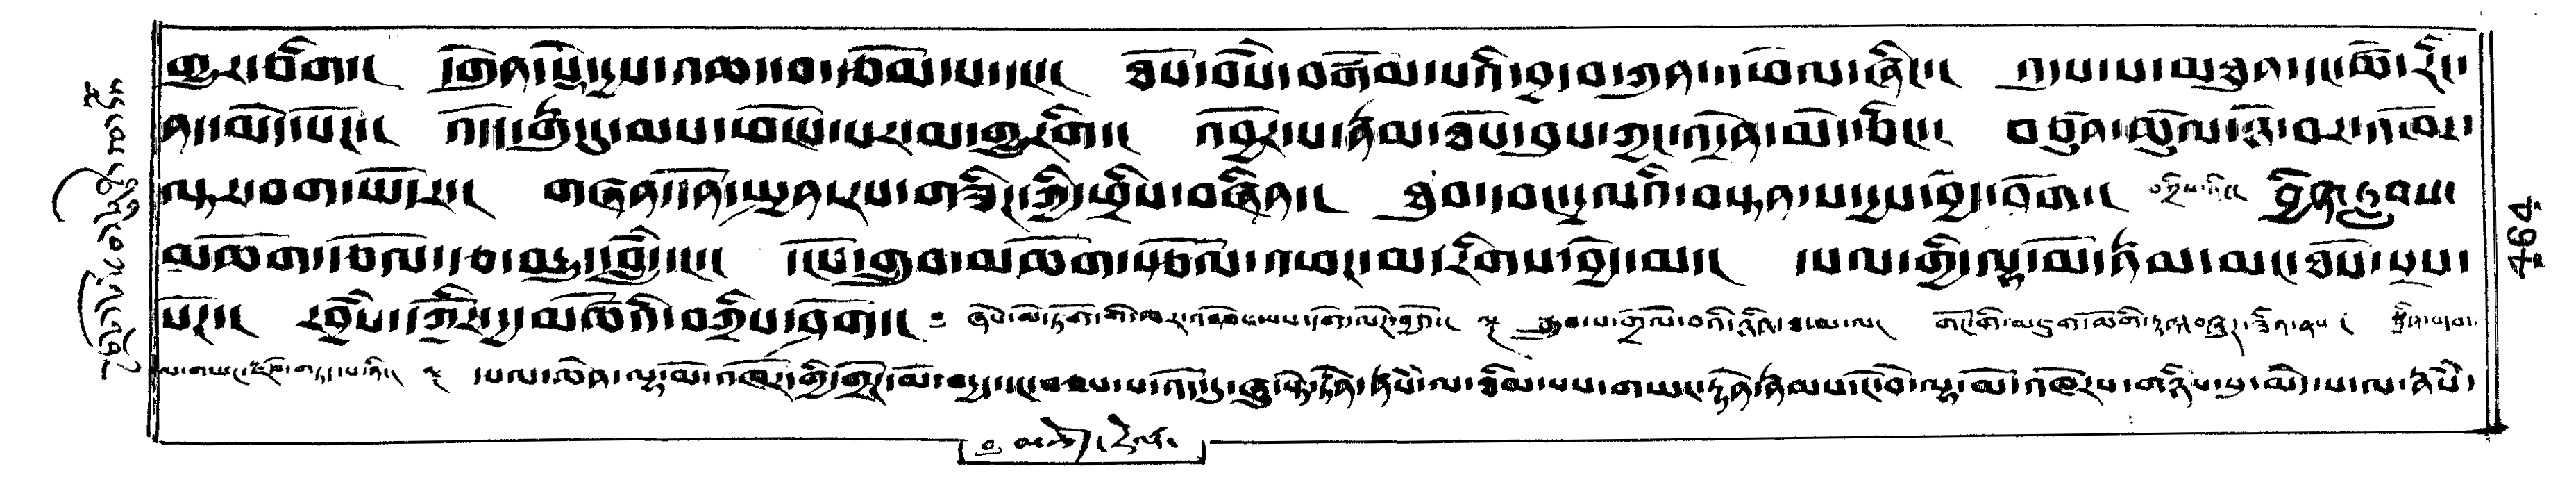གྱུར་ཅིག །དགེ་འདུན་སྡེ་རྒྱས་འཆད་དང་རྩོམ་པ་དང་། །ཐོས་བསམ་སྒོམ་པའི་བྱ་བ་ཀུན་འཕེལ་ཞིང་། །འདུས་པ་མཐུན་དང་ཚེ་རིང་
ནད་མེད་སོགས། །འདོད་རྒུ་དུ་མས་ཕོངས་པར་མ་གྱུར་ཅིག །འབྱོར་པ་རྣམ་ཐོས་བུས་ཀྱང་འགྲན་མེད་ཅིང་། །བཙུན་ཚུལ་ཉེ་བར་འཁོར་
ལྟར་བག་ཡོད་པར། །གཞན་དོན་སྤྱན་རས་གཟིགས་ཀྱི་ཕྲིན་ལས་བཞིན། །ཐུབ་དབང་རྒྱལ་བའི་བསྟན་པ་རྒྱས་བྱེད་ཤོག། བཀྲ་ཤིས་ནི། བྱིན་རླབས་
མཆོག་སྩོལ་རྩ་བརྒྱུད་བླ་མ་དང་། དངོས་གྲུབ་མཆོག་སྩོལ་འཕགས་མ་རིག་བྱེད་མ། །དཔལ་གྱི་ལྷ་མོ་རྣམ་མང་ཐོས་སྲས་
སོགས། །རབ་འབྱམས་དཀྱིལ་འཁོར་རྒྱ་མཚོའི་བཀྲ་ཤིས་ཤོག ། ཅེས་མེ་ཏོག་གི་ཆར་ཕོབ་པས་དགེ་ལེགས་བྱའོ།། ༑ སྒྲུབ་པ་གྲོལ་བའི་ཉིན་ཐ་མ་ལ། གོང་གི་མཇུག་ཆོག་གི་བརྟན་བཞུགས་ཟིན་ནས། སྦྱིན་བདག་
ལ་གཡང་རྫས་གཏད་པ་ནི། ༈ དཔལ་ཆེན་ལྷ་མོ་འཁོར་གྱི་གྲོགས་མོ་བརྒྱད་དང་བཅས་པ་འོད་དུ་ཞུ་སྟེ་རྟེན་རྣམས་སལ་ཐིམ་པས་གཡང་རྟེན་རྣམས་ངོ་བོ་ལྷ་མོ་འཁོར་བཅས་གཉིས་སུ་མེད་པ་ལ་རྣམ་